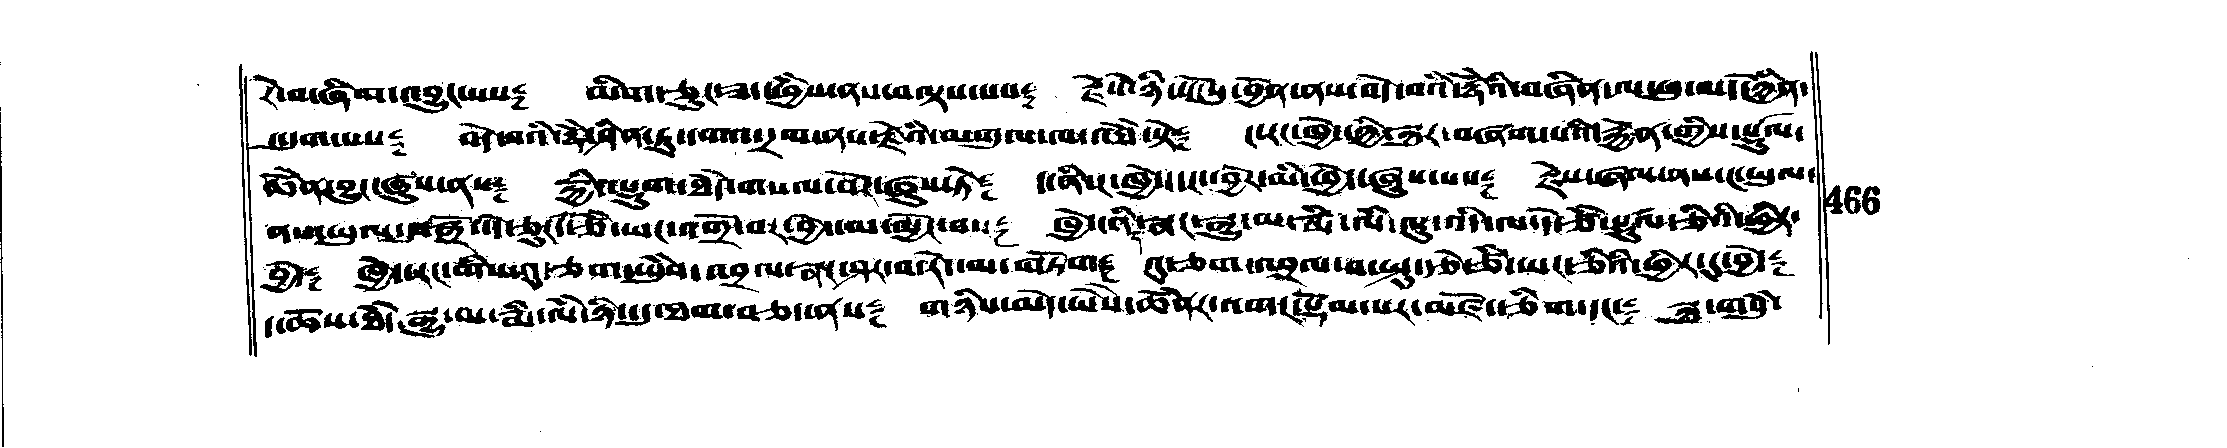རེ་བ་ཞིག་བྱུང་པས། མིག་ཅུང་ཟད་ཕྱིས་ནས་བསྟས་པས། རྗེ་དེ་ཉིད་དངོས་སུ་བྱོན་ནས་བདེ་བའི་རྡོ་རྗེའི་བཞིན་ལ་ཕུ་མཛད་ཀྱིན་
འདུག་པས། བདེ་བའི་རྡོ་རྗེ་ཤིན་ཏུ་དགའ་དྲག་ནས་རྗེའི་མགུལ་ལ་འཐམ་སྟེ། ང་རང་ཁྱེད་ཀྱི་སྐྱུར་བཞག་པའི་རྐྱེན་གྱིས་སྡུག་བསྔལ་
ཆེན་པོ་བྱུང་ཞུས་ནས། སྐྱིད་སྡུག་ཐམས་ཅད་གསལ་པོར་ཞུས་ཏེ། ད་ནི་ང་ཁྱེད་དང་དབྱེར་མི་ཕྱེད་ཞུས་པས།རྗེས་ཞལ་ནས་ང་ཡུལ་
ནས་ཡུལ་དུ་བགྲོད་དེ་ཅུང་ཙམ་ཡང་འགྲོ་བར་བྱེད་མ་མྱོང་བས། ཁྱེད་འདི་སྣང་སྒྱུ་མ་རྨི་ལམ་ལྟ་བུ་འདི་ལ་དེ་ཙམ་སྡུག་བསྔལ་ཅིའི་ཕྱིར་
བྱེད། ཁྱེད་རང་གིས་འུ་ཅག་ཡབ་ཡུམ་འབྲལ་སྣང་ཤར་བ་རེད་མ་གཏོགས། འུ་ཅག་འབྲལ་བ་སྤུ་རྩེ་ཙམ་ཡང་ཅིའི་ཕྱིར་དུ་བྱེད། 
ད་ཆོས་ཐམས་ཅད་སྒྱུ་མ་རྨི་ལམ་ཉིད་དུ་ཐག་བཅད་ནས། གཉིས་མེད་ཡེ་ཤེས་ཆེན་པོར་འགགས་སྡོམ་པར་མཛད་ཅིག་དང་། སྐུ་གསུམ་